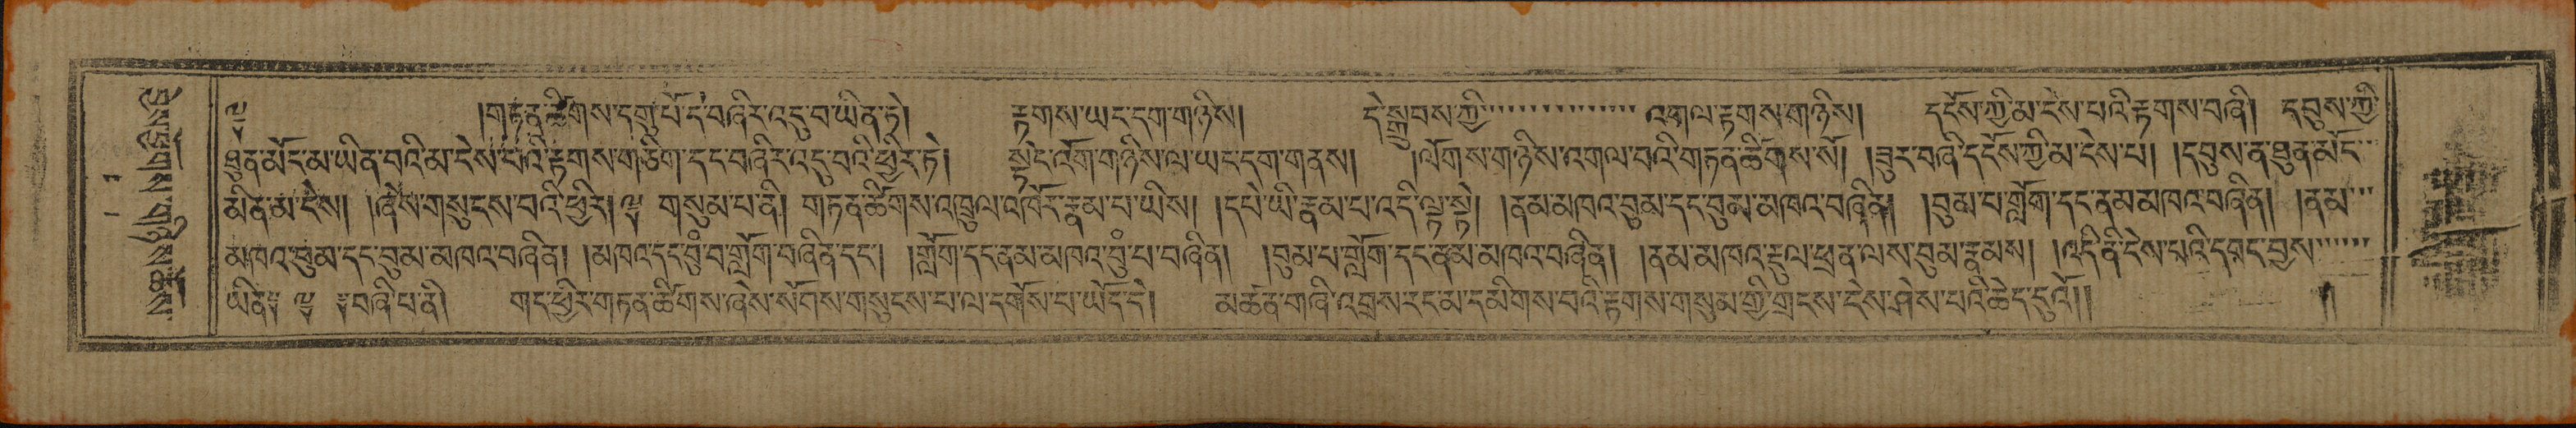༄༅། །གཏན་ཚིགས་དགུ་པོ་དེ་བཞིར་འདུ་བ་ཡིན་ཏེ། རྟགས་ཡང་དག་གཉིས། དེ་སྒྲུབས་ཀྱི་འགལ་རྟགས་གཉིས། དངོས་ཀྱི་མ་ངེས་པའི་རྟགས་བཞི། དབུས་ཀྱི་
ཐུན་མོང་མ་ཡིན་པའི་མ་ངེས་པའི་རྟགས་གཅིག་དང་བཞིར་འདུ་བའི་ཕྱིར་ཏེ། སྟེང་འོག་གཉིས་ལ་ཡང་དག་གནས། །ལོགས་གཉིས་འགལ་བའི་གཏན་ཚིགས་སོ། །ཟུར་བཞི་དངོས་ཀྱི་མ་ངེས་པ། །དབུས་ན་ཐུན་མོང་
མིན་མ་ངེས། །ཞེས་གསུངས་པའི་ཕྱིར། ༈ གསུམ་པ་ནི། གཏན་ཚིགས་འཁྲུལ་འཁོར་རྣམ་པ་ཡིས། །དཔེ་ཡི་རྣམ་པ་འདི་ལྟ་སྟེ། །ནམ་མཁའ་བུམ་དང་བུམ་མཁའ་བཞིན། །བུམ་པ་གློག་དང་ནམ་མཁའ་བཞིན། །ནམ་
མཁའ་བུམ་དང་བུམ་མཁའ་བཞིན། །མཁའ་དང་བུམ་པ་གློག་བཞིན་དང་། །གློག་དང་ནམ་མཁའ་བུམ་པ་བཞིན། །བུམ་པ་གློག་དང་ནམ་མཁའ་བཞིན། །ནམ་མཁའ་རྡུལ་ཕྲན་ལས་བུམ་རྣམས། །འདི་ནི་ངེས་པའི་དབང་བྱས་
ཡིན༑ ༈ ༑བཞི་པ་ནི། གང་ཕྱིར་གཏན་ཚིགས་ཞེས་སོགས་གསུངས་པ་ལ་དགོས་པ་ཡོད་དེ། མཚན་གཞི་འབྲས་རང་མ་དམིགས་པའི་རྟགས་གསུམ་གྱི་གྲངས་ངེས་ཤེས་པའི་ཆེད་དུའོ།། །།